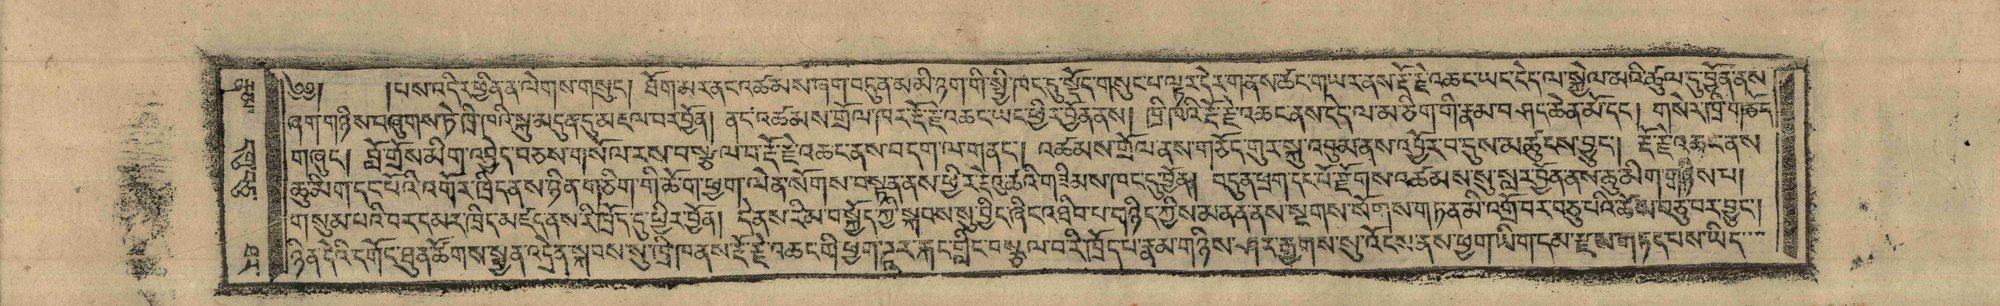༄༅། །པས་འདིར་ཕྱིན་ན་ལེགས་གསུང་། ཐོག་མར་ནང་འཚམས་ཞག་བདུན་མ་མི་ཉག་གི་སྤྱི་ཁང་དུ་སྡོད་གསུང་པ་ལྟར་དེར་གནས་ཚང་གཡར་ནས་རྡོ་རྗེ་འཆང་ཡང་ངེད་ལ་སྐྱེལ་མའི་ཚུལ་དུ་བྱོན་ནས་
ཞག་གཉིས་བཞུགས་ཏེ་ཁྲི་ཁའི་སྐུ་མདུན་དུ་མཇལ་བར་བྱོན། ནང་འཚམས་གྲོལ་ཁར་རྡོ་རྗེ་འཆང་ཡང་ཕྱིར་བྱོན་ནས། ཁྲི་ཁའི་རྡོ་རྗེ་འཆང་ནས་ངེད་ལ་མ་ཅིག་གི་རྣམ་བཤད་ཆེན་མོ་དང་། གསེར་ཁྲི་གཅོད་
གཞུང་། བློ་གྲོས་མིག་འབྱེད་བཅས་གསོལ་རས་བསྩལ་བ་རྡོ་རྗེ་འཆང་ནས་བདག་ལ་གནང་། འཚམས་གྲོལ་ནས་གཅོད་གུར་སྐུ་འབུམ་ནས་འབྱོར་བ་དུས་མཚུངས་བྱུང་། རྡོ་རྗེ་འཆང་ནས་
ཆུ་མིག་དང་པོའི་འགོར་ཁྲིད་ནས་ཉིན་གཅིག་གི་ཆོ་ག་ཕྱག་ལེན་སོགས་བསྟན་ནས་ཕྱིར་རྡེའུ་ཚའི་གཟིམས་ཁང་དུ་བྱོན། བདུན་ཕྲག་དང་པོ་རྫོགས་འཚམས་སུ་སླར་བྱོན་ནས་ཆུ་མིག་གཉིས་པ།
གསུམ་པའི་བར་དམར་ཁྲིད་མཛད་ནས་རི་ཁྲོད་དུ་ཕྱིར་བྱོན། དེ་ནས་རིམ་བསྐྱོད་ཀྱི་སྐབས་སུ་བྱིང་ཞིང་འཐིབ་པ་གཉིད་ཀྱིས་མནན་ནས་སྔགས་སོགས་གཏན་མི་འགྲོ་བར་བཅུ་པའི་ཚེས་བཅུ་བར་བྱུང་།
ཉིན་དེའི་དགོང་ཐུན་ཚོགས་སྤྱན་འདྲེན་སྐབས་སུ་ཁྲི་ཁ་ནས་རྡོ་རྗེ་འཆང་གི་ཕྱག་ཌཱར་རྐང་གླིང་བསྩལ་བ་རི་ཁྲོད་པ་རྣམ་གཉིས་ཤར་རྒྱགས་སུ་འོངས་ནས་ཕྱག་ཡིག་དམ་རྫས་གཏད་པས་ཡིད་